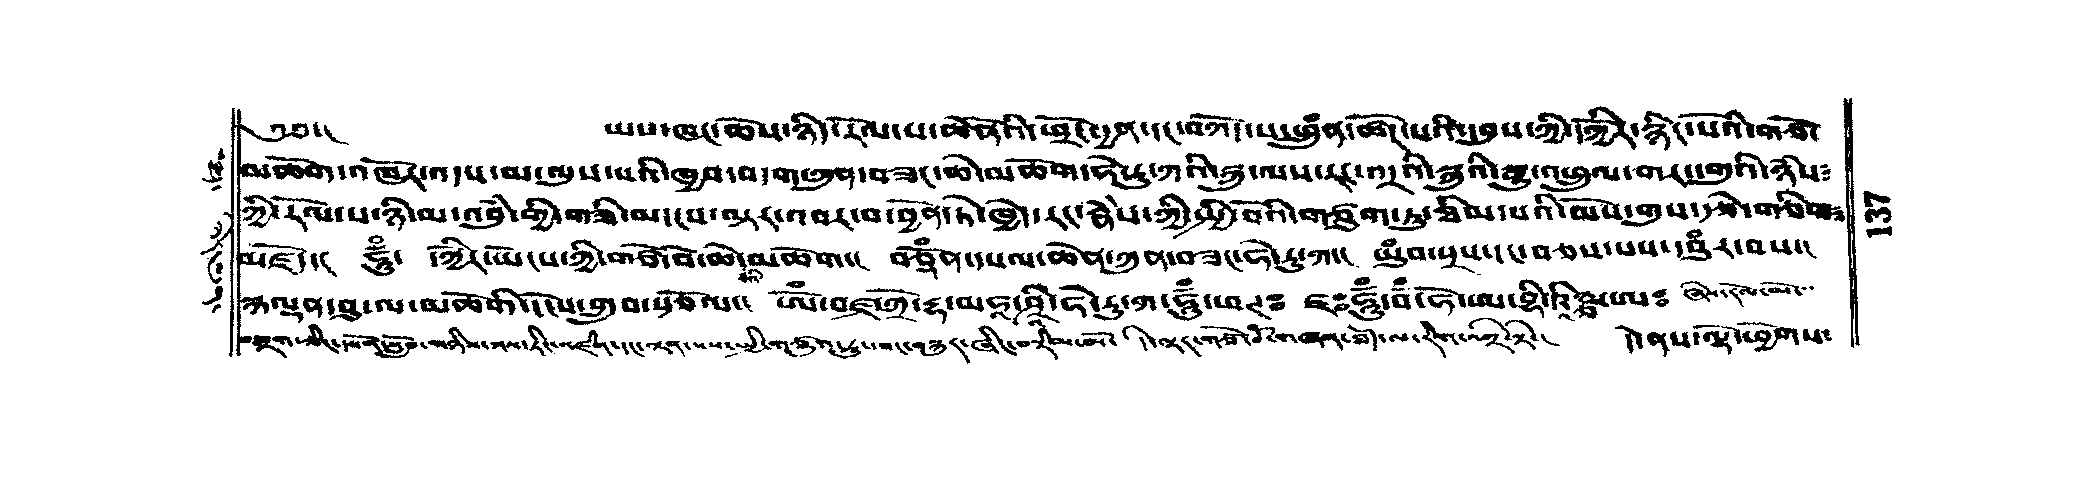ཡས་ཁང་ཆོས་ཉིད་རོལ་པ་ཆེན་པོའི་ཕོ་བྲང་རྒྱན་དང་བཀོད་པ་ཕུན་གསུམ་ཚོགས་པའི་དབུས་ཀྱི་དཀྱིལ་འཁོར་སྙིང་པོའི་གཙོ་
མཆོག་འཁོར་འདས་མ་ལུས་པའི་ཁྱབ་བདག་ཀུན་བཟང་ཆེན་མཆོག་ཧེ་རུ་ཀའི་སྐུ་ལས་རང་འདྲའི་སྐུ་སྒྱུ་འཕྲུལ་གར་དགུའི་ཉམས་
ཀྱི་རོལ་པ་ཉི་མ་འབུམ་གྱི་གཟི་མདངས་ལྟར་འབར་བ་བྱོན་ཏེ་ཁྱེད་རང་རྣམས་ཀྱི་སྤྱི་བོའི་གཙུག་ཏུ་ཐིམ་པའི་མོས་གུས་རྩེ་གཅིག་
མཛོད། ཧཱུྃ། དཀྱིལ་འཁོར་ཡོངས་ཀྱི་གཙོ་བོ་ཆེ་བའི་མཆོག བཅོམ་ལྡན་དཔལ་ཆེན་ཀུན་བཟང་ཧེ་རུ་ཀ ཡབ་ཡུམ་སྲས་དང་བཅས་པས་དབང་བསྐུར་བས། 
སྐལ་ལྡན་བུ་ལ་མཆོག་གི་དངོས་གྲུབ་སྩོལ། ཨོཾ་བཛྲ་ཀྲོ་དྷ་མཧཱ་ཤྲཱི་ཧེ་རུ་ཀ་ཧཱུྃ་ཕཊཿ ཛཿཧཱུྃ་བྃ་ཧོ་ཨ་བྷི་རཱིཉྩ་ཨཿ ཞེས་རོལ་མོ་
བསྒྲག་ཅིང་དཔོན་སློབ་གཉིས་ཀས་རིང་འཛིན་དག་ལྡན་པས་སྤྱི་གཙུག་རུ་དབང་བསྐུར་ཞིང་བསྟིམ་མོ། དེ་ལྟར་གཙོ་བོ་གཞན་ཐམས་ཅད་ལ་རིག་འགྲེ་སྟེ། དེ་ནས་ལྷོ་ཕྱོགས་